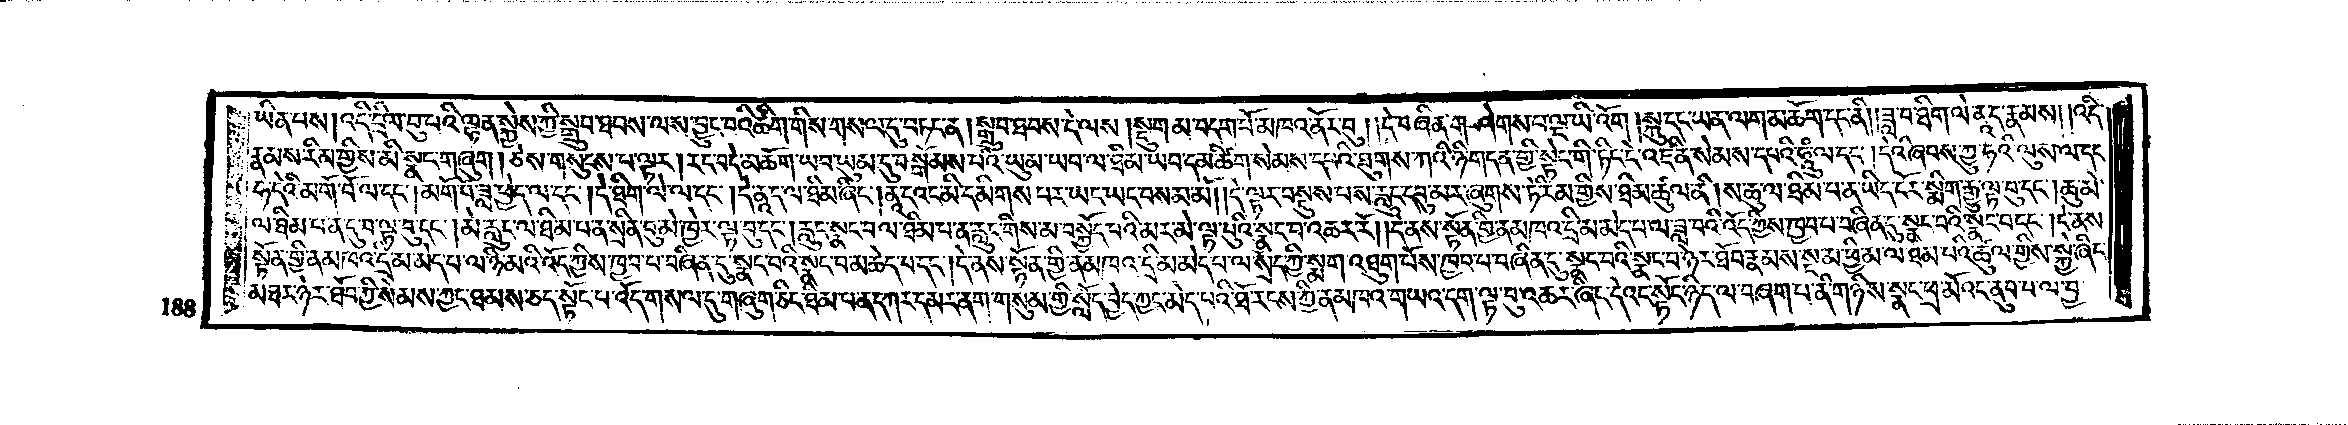ཡིན་པས། འདི་དྲིལ་བུ་པའི་ལྷན་སྐྱེས་ཀྱི་སྒྲུབ་ཐབས་ལས་བྱུང་བའི་ཚིག་གིས་གསལ་དུ་བཏང་ན། སྒྲུབ་ཐབས་དེ་ལས། སྡུག་མ་བདག་པོ་མཁའ་ནོར་བུ། །དེ་བཞིན་གཤེགས་པ་ལྔ་ཡི་འོག །སྐུ་དང་ཡན་ལག་མཆོག་དང་ནི། །ཟླ་བ་ཐིག་ལེ་ནཱ་ད་རྣམས། །འདི་
རྣམས་རིམ་གྱིས་མི་སྣང་གཞུག །ཅེས་གསུངས་པ་ལྟར། རང་བདེ་མཆོག་ཡབ་ཡུམ་དུ་བསྒོམས་པའི་ཡུམ་ཡབ་ལ་ཐིམ་ཡབ་དམ་ཚིག་སེམས་དཔའི་ཐུགས་ཀའི་ཉི་གདན་གྱི་སྟེང་གི་ཏིང་ངེ་འཛིན་སེམས་དཔའི་ཧཱུཾ་ལ་དང་། དེའི་ཞབས་ཀྱུ་ཧའི་ལུས་ལ་དང་
ཧ་དེའི་མགོ་བོ་ལ་དང་། མགོ་བོ་ཟླ་ཕྱེད་ལ་དང་། དེ་ཐིག་ལེ་ལ་དང་། དེ་ནཱ་ད་ལ་ཐིམ་ཞིང་། ནཱ་དའང་མི་དམིགས་པར་ཡང་ཡང་བསམ་མོ། །དེ་ལྟར་བསྡུས་པས་རླུང་དབུ་མར་ཞུགས་ཏེ་རིམ་གྱིས་ཐིམ་ཚུལ་ནི། ས་ཆུ་ལ་ཐིམ་པ་ན་ཡིད་ངོར་སྨིག་རྒྱུ་ལྟ་བུ་དང་། ཆུ་མེ་
ལ་ཐིམ་པ་ན་དུ་བ་ལྟ་བུ་དང་། མེ་རླུང་ལ་ཐིམ་པ་ན་སྲིན་བུ་མེ་ཁྱེར་ལྟ་བུ་དང་། རླུང་སྣང་བ་ལ་ཐིམ་པ་ན་རླུང་གིས་མ་བསྐྱོད་པའི་མར་མེ་ལྟ་བུའི་སྣང་བ་འཆར་རོ། །དེ་ནས་སྟོན་གྱི་ནམ་མཁའ་དྲི་མ་མེད་པ་ལ་ཟླ་བའི་འོད་ཀྱིས་ཁྱབ་པ་བཞིན་དུ་སྣང་བའི་སྣང་བ་དང་། དེ་ནས་
སྟོན་གྱི་ནམ་མཁའ་དྲི་མ་མེད་པ་ལ་ཉི་མའི་འོད་ཀྱིས་ཁྱབ་པ་བཞིན་དུ་སྣང་བའི་སྣང་བ་མཆེད་པ་དང་། དེ་ནས་སྟོན་གྱི་ནམ་མཁའ་དྲི་མ་མེད་པ་ལ་སྲོད་ཀྱི་སྨག་འཐུག་པོས་ཁྱབ་པ་བཞིན་དུ་སྣང་བའི་སྣང་བ་ཉེར་ཐོབ་རྣམས་སྔ་མ་ཕྱི་མ་ལ་ཐིམ་པའི་ཚུལ་གྱིས་སྐྱེ་ཞིང་
མཐར་ཉེར་ཐོབ་ཀྱི་སེམས་ཀྱང་ཐམས་ཅད་སྟོང་པ་འོད་གསལ་དུ་གཞུག་ཅིང་ཐིམ་པ་ན་དཀར་དམར་ནག་གསུམ་གྱི་སློད་བྱེད་ཀྱང་མེད་པའི་ཐོ་རངས་ཀྱི་ནམ་མཁའ་གཡའ་དག་ལྟ་བུ་འཆར་ཞིང་དེའང་སྟོང་ཉིད་ལ་བཞག་པ་ནི་གཉིས་སྣང་ཕྲ་མོའང་ནུབ་པ་ལ་བྱ་